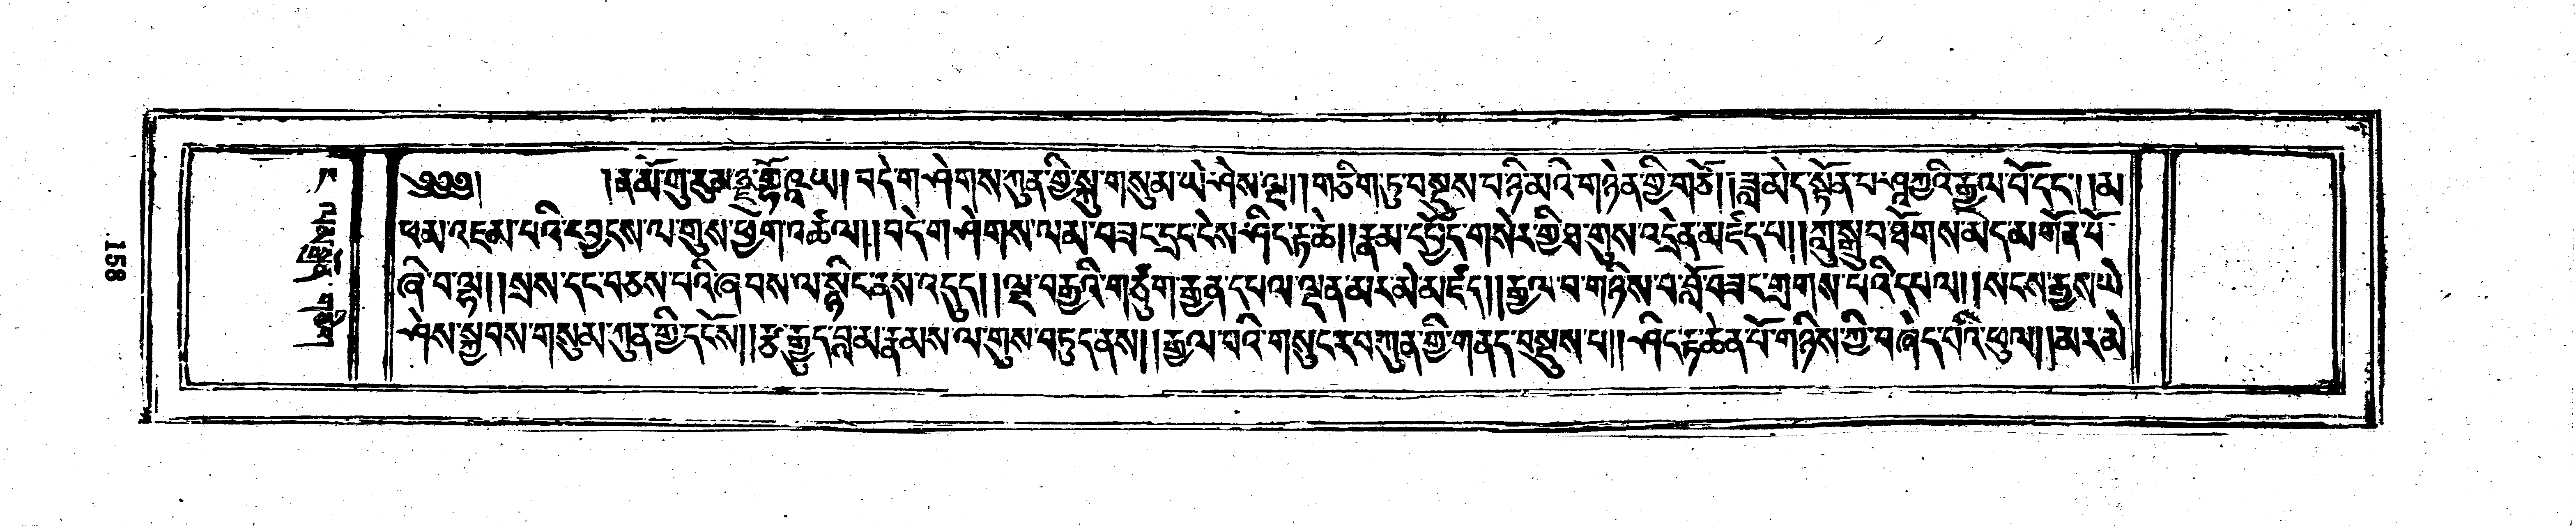༄༅༅། །ན་མོ་གུ་རུ་མཉྫུ་གྷོ་ཥཱ་ཡ། བདེ་གཤེགས་ཀུན་གྱི་སྐུ་གསུམ་ཡེ་ཤེས་ལྔ། །གཅིག་ཏུ་བསྡུས་པ་ཉི་མའི་གཉེན་གྱི་གཙོ། །ཟླ་མེད་སྟོན་པ་ཤཱཀྱའི་རྒྱལ་པོ་དང་། །མི་
ཕམ་འཇམ་པའི་དབྱངས་ལ་གུས་ཕྱག་འཚལ། །བདེ་གཤེགས་ལམ་བཟང་དྲང་ངེས་ཤིང་རྟ་ཆེ། །རྣམ་དཔྱོད་གསེར་གྱི་ཐ་གུས་འདྲེན་མཛད་པ། །ཀླུ་སྒྲུབ་ཐོགས་མེད་མགོན་པོ་
ཞི་བ་ལྷ། །སྲས་དང་བཅས་པའི་ཞབས་ལ་སྙིང་ནས་འདུད། །ལྔ་བརྒྱའི་གཙུག་རྒྱན་དཔལ་ལྡན་མར་མེ་མཛད། །རྒྱལ་བ་གཉིས་པ་བློ་བཟང་གྲགས་པའི་དཔལ། །སངས་རྒྱས་ཡེ་
ཤེས་སྐྱབས་གསུམ་ཀུན་གྱི་དངོས། །རྩ་རྒྱུད་བླ་མ་རྣམས་ལ་གུས་བཏུད་ནས། །རྒྱལ་བའི་གསུང་རབ་ཀུན་གྱི་གནད་བསྡུས་པ། །ཤིང་རྟ་ཆེན་པོ་གཉིས་ཀྱི་བཞེད་པའི་ཕུལ། །མར་མེ་